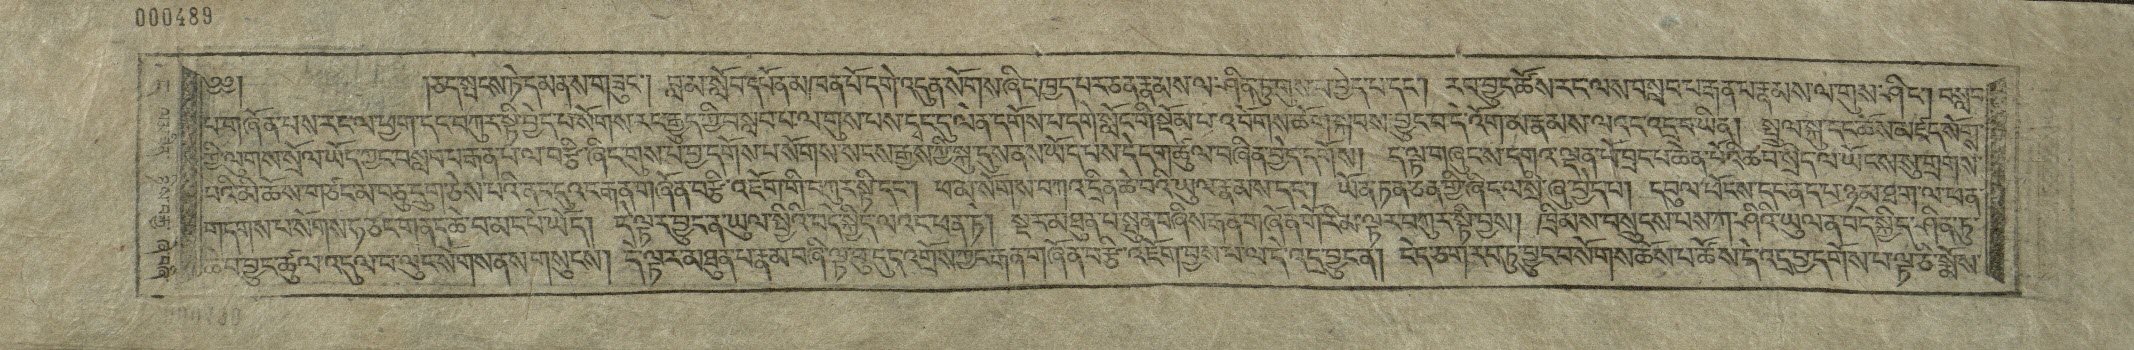༄༅། །ཅད་སྤངས་ཏེ་དམན་ས་གཟུང་། བླ་མ་སློབ་དཔོན་མཁན་པོ་དགེ་འདུན་སོགས་ཞིང་ཁྱད་པར་ཅན་རྣམས་ལ་ཤིན་ཏུ་གུས་པ་བྱེད་པ་དང་། རབ་བྱུང་ཚོས་རང་ལས་བསླབ་པ་རྒན་པ་རྣམས་ལ་གུས་ཤིང་། བསླབ་
པ་གཞོན་པས་རང་ལ་ཕྱག་དང་བཀུར་སྟི་བྱེད་པ་སོགས་རང་རྒྱུད་ཀྱི་བསླབ་པ་ལ་གུས་པས་དྭང་དུ་ལེན་དགོས་པ་དགེ་སློང་གི་སྡོམ་པ་འབོགས་ཆོག་སྐབས་བྱུང་བ་དེ་འོག་མ་རྣམས་ལའང་འདྲ་བ་ཡིན། སྤྲུལ་སྐུ་དང་ཆོས་མཛད་སོགས་
ཀྱི་ལུགས་སྲོལ་ཡོད་ཀྱང་བསླབ་པ་རྒན་པ་ལ་བརྩི་ཞིང་གུས་པ་བྱ་དགོས་པ་སོགས་སངས་རྒྱས་ཀྱི་སྐུ་དུས་ནས་ཡོད་པས་དེ་དག་ཚུལ་བཞིན་བྱེད་དགོས། ད་ལྟ་གཞུང་ས་དགའ་ལྡན་ཕོ་བྲང་པ་ཆེན་པོའི་ཆབ་སྲིད་ལ་ཡོངས་སུ་གྲགས་
པའི་མི་ཆོས་གཙང་མ་བཅུ་དྲུག་ཅེས་པའི་ནང་དུའང་རྒན་གཞོན་བརྩི་འཇོག་གི་བཀུར་སྟི་དང་། ཕ་མ་སོགས་བཀའ་དྲིན་ཆེ་བའི་ཡུལ་རྣམས་དང་། ཡོན་ཏན་ཅན་གྱི་ཞིང་ལ་སྲི་ཞུ་བྱེད་པ། དབུལ་ཕོངས་དང་ནད་པ་ཉམ་ཐག་ལ་ཕན་
གདགས་པ་སོགས་ཧ་ཅང་གནད་ཆེ་བ་མང་པོ་ཡོད། དེ་ལྟར་བྱུང་ན་ཡུལ་སྤྱིའི་བདེ་སྐྱིད་ལའང་ཕན་ཏེ། སྔར་མཐུན་པ་སྤུན་བཞིས་རྒན་གཞོན་གོ་རིམ་ལྟར་བཀུར་སྟི་བྱས། ཁྲིམས་བསྲུངས་པས་ཀ་ཤིའི་ཡུལ་ན་བདེ་སྐྱིད་ཤིན་ཏུ་
ཆེ་བ་བྱུང་ཚུལ་འདུལ་བ་ལུང་སོགས་ནས་གསུངས། དེ་ལྟར་མཐུན་པ་རྣམ་བཞི་ལྟ་བུ་དུད་འགྲོས་ཀྱང་རྒན་གཞོན་བརྩི་འཇོག་བྱས་པ་ལ་དེ་འདྲ་བྱུང་ན། ངེད་ཅག་རབ་ཏུ་བྱུང་བ་སོགས་ཆོས་པ་ཚོས་དེ་འདྲ་བྱ་དགོས་པ་ལྟ་ཅི་སྨོས་